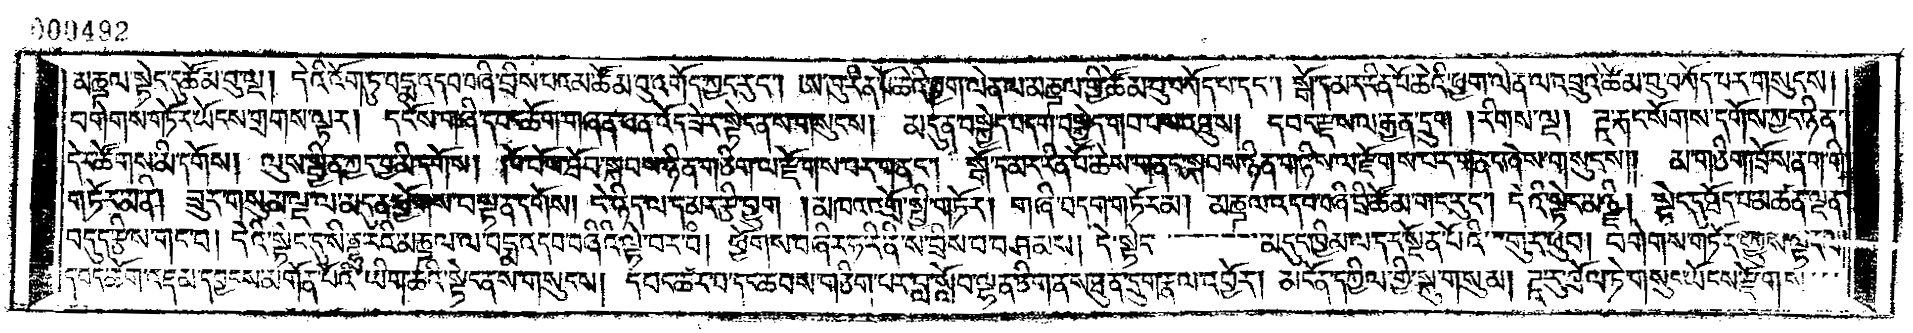མཎྜལ་སྟེང་དུ་ཚོམ་བུ་ལྔ། དེའི་འོག་ཏུ་པདམ་འདབ་བཞི་བྲིས་པའམ་ཚོམ་བུ་འགོད་ཀྱང་རུང་། ཨ་ཁུ་རིན་པོ་ཆེའི་ཕྱག་ལེན་ལ་མཎྜལ་གྱི་ཚོམ་བུ་བཀོད་པ་དང་། སྒོ་དམར་རིན་པོ་ཆེའི་ཕྱག་ལེན་ལ་འབྲུའི་ཚོམ་བུ་བཀོད་པར་གསུངས།
བགེགས་གཏོར་ཡོངས་གྲགས་ལྟར། དངོས་གཞི་དབང་ཆོག་གཞན་ཕན་འོད་ཟེར་སྟེང་ནས་གསུངས། མདུན་བསྐྱེད་བདག་བསྐྱེད་གབ་པས་འཐུས། དབང་རྫས་ལ་རྒྱན་དྲུག །རིགས་ལྔ། ཌཱ་རྐང་སོགས་དགོས་ཀྱང་ཉིན་
དེར་ཚོགས་མི་དགོས། ལུས་སྦྱིན་ཀྱང་བྱ་མི་དགོས། ཁོ་བོས་ཐོབ་སྐབས་ཉིན་གཅིག་ལ་རྫོགས་པར་གནང་། སྒོ་དམར་རིན་པོ་ཆེས་གནང་སྐབས་ཉིན་གཉིས་ལ་རྫོགས་པར་གནང་ཞེས་གསུངས། །མ་གཅིག་ཁྲོས་ནག་གི་
གཏོར་མ་ནི། ཟུར་གསུམ་ལྔ་ལ་མདུན་ཕྱོགས་བསྟན་དགོས། དེ་ཉིད་ལ་དམར་རྩི་བྱུག །མཁའ་འགྲོ་སྤྱི་གཏོར། གཞི་བདག་གཏོར་མ། མཎྜལ་འདབ་བཞི་བྲི་ཚོམ་གང་རུང་། དེའི་སྟེང་མཉྫི། སྟེང་དུ་ཐོད་པ་མཚན་ལྡན་
བདུད་རྩིས་གང་བ། དེའི་སྟེང་དུ་སིནྡྷུ་རའི་མཎྜལ་ལ་པདམ་འདབ་བཞིའི་ལྟེ་བར་བཾ། ཕྱོགས་བཞིར་ཧ་རི་ནི་ས་བྲིས་པ་བཤམས། དེ་སྟེང་མདུང་ཁྱིམ་ལ་དར་སྔོན་པོའི་གུར་ཕུབ། བགེགས་གཏོར་དཀྱུས་ལྟར་ལ།
དབང་ཆོག་འཇམ་དབྱངས་མགོན་པོའི་ཡིག་ཆའི་སྟེང་ནས་གསུངས། དབང་ཚོར་བ་དང་ཆབས་གཅིག་པར་བླ་སློབ་ལྷན་ཅིག་ནས་ཐུན་དྲུག་རྣལ་འབྱོར། མངོན་དཀྱིལ་གྱི་སྐུ་གསུམ། ཌཱ་རུ་ཁྲོལ་ཏེ་གསུང་ཡོངས་རྫོགས་